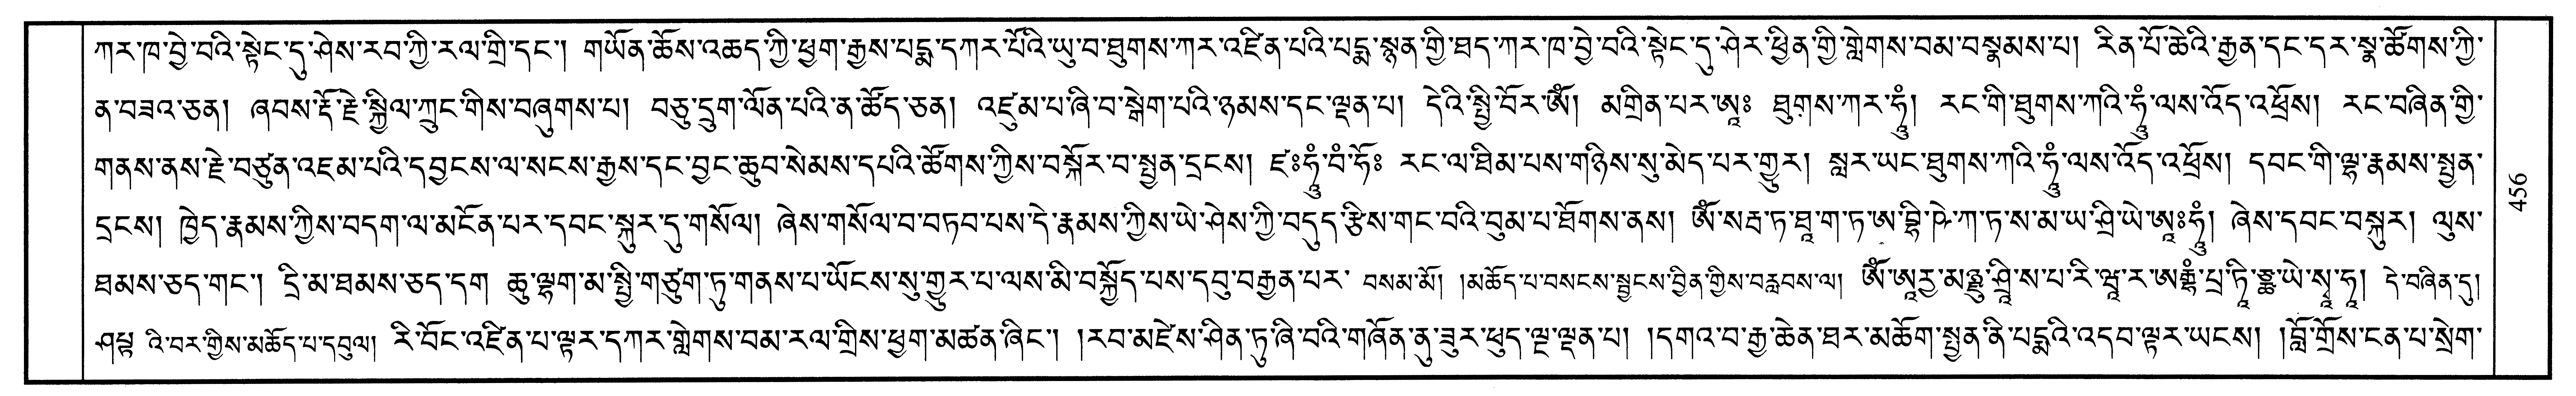ཀར་ཁ་བྱེ་བའི་སྟེང་དུ་ཤེས་རབ་ཀྱི་རལ་གྲི་དང་། གཡོན་ཆོས་འཆད་ཀྱི་ཕྱག་རྒྱས་པདམ་དཀར་པོའི་ཡུ་བ་ཐུགས་ཀར་འཛིན་པའི་པདམ་སྙན་གྱི་ཐད་ཀར་ཁ་བྱེ་བའི་སྟེང་དུ་ཤེར་ཕྱིན་གྱི་གླེགས་བམ་བསྣམས་པ། རིན་པོ་ཆེའི་རྒྱན་དང་དར་སྣ་ཚོགས་ཀྱི་
ན་བཟའ་ཅན། ཞབས་རྡོ་རྗེ་སྐྱིལ་ཀྲུང་གིས་བཞུགས་པ། བཅུ་དྲུག་ལོན་པའི་ན་ཚོད་ཅན། འཛུམ་པ་ཞི་བ་སྒེག་པའི་ཉམས་དང་ལྡན་པ། དེའི་སྤྱི་བོར་ཨོཾ། མགྲིན་པར་ཨཱཿ ཐུགས་ཀར་ཧཱུཾ། རང་གི་ཐུགས་ཀའི་ཧཱུཾ་ལས་འོད་འཕྲོས། རང་བཞིན་གྱི་
གནས་ནས་རྗེ་བཙུན་འཇམ་པའི་དབྱངས་ལ་སངས་རྒྱས་དང་བྱང་ཆུབ་སེམས་དཔའི་ཚོགས་ཀྱིས་བསྐོར་བ་སྤྱན་དྲངས། ཛཿ ཧཱུཾ་བཾ་ཧོཿ རང་ལ་ཐིམ་པས་གཉིས་སུ་མེད་པར་གྱུར། སླར་ཡང་ཐུགས་ཀའི་ཧཱུཾ་ལས་འོད་འཕྲོས། དབང་གི་ལྷ་རྣམས་སྤྱན་
དྲངས། ཁྱེད་རྣམས་ཀྱིས་བདག་ལ་མངོན་པར་དབང་སྐུར་དུ་གསོལ། ཞེས་གསོལ་བ་བཏབ་པས་དེ་རྣམས་ཀྱིས་ཡེ་ཤེས་ཀྱི་བདུད་རྩིས་གང་བའི་བུམ་པ་ཐོགས་ནས། ཨོཾ་སརྦ་ཏ་ཐཱ་ག་ཏ་ཨ་བྷི་ཥེ་ཀ་ཏ་ས་མ་ཡ་ཤྲི་ཡེ་ཨཱཿ ཧཱུཾ། ཞེས་དབང་བསྐུར། ལུས་
ཐམས་ཅད་གང་། དྲི་མ་ཐམས་ཅད་དག་ཆུ་ལྷག་མ་སྤྱི་གཙུག་ཏུ་གནས་པ་ཡོངས་སུ་གྱུར་པ་ལས་མི་བསྐྱོད་པས་དབུ་བརྒྱན་པར་བསམ་མོ། མཆོད་པ་བསངས་སྦྱངས་བྱིན་གྱིས་བརླབས་ལ། ཨོཾ་ཨཱརྱ་མཉྫུ་ཤྲཱི་ས་པ་རི་ཝཱ་ར་ཨརྒྷཾ་པྲ་ཏཱི་ཙྪ་ཡེ་སྭཱ་ཧཱ། དེ་བཞིན་དུ།
ཤཔྟའི་བར་གྱིས་མཆོད་པ་དབུལ། རི་བོང་འཛིན་པ་ལྟར་དཀར་གླེགས་བམ་རལ་གྲིས་ཕྱག་མཚན་ཞིང་། །རབ་མཛེས་ཤིན་ཏུ་ཞི་བའི་གཞོན་ནུ་ཟུར་ཕུད་ལྔ་ལྡན་པ། །དགའ་བ་རྒྱ་ཆེན་ཐར་མཆོག་སྤྱན་ནི་པདམའི་འདབ་ལྟར་ཡངས། །བློ་གྲོས་ངན་པ་སྲེག་